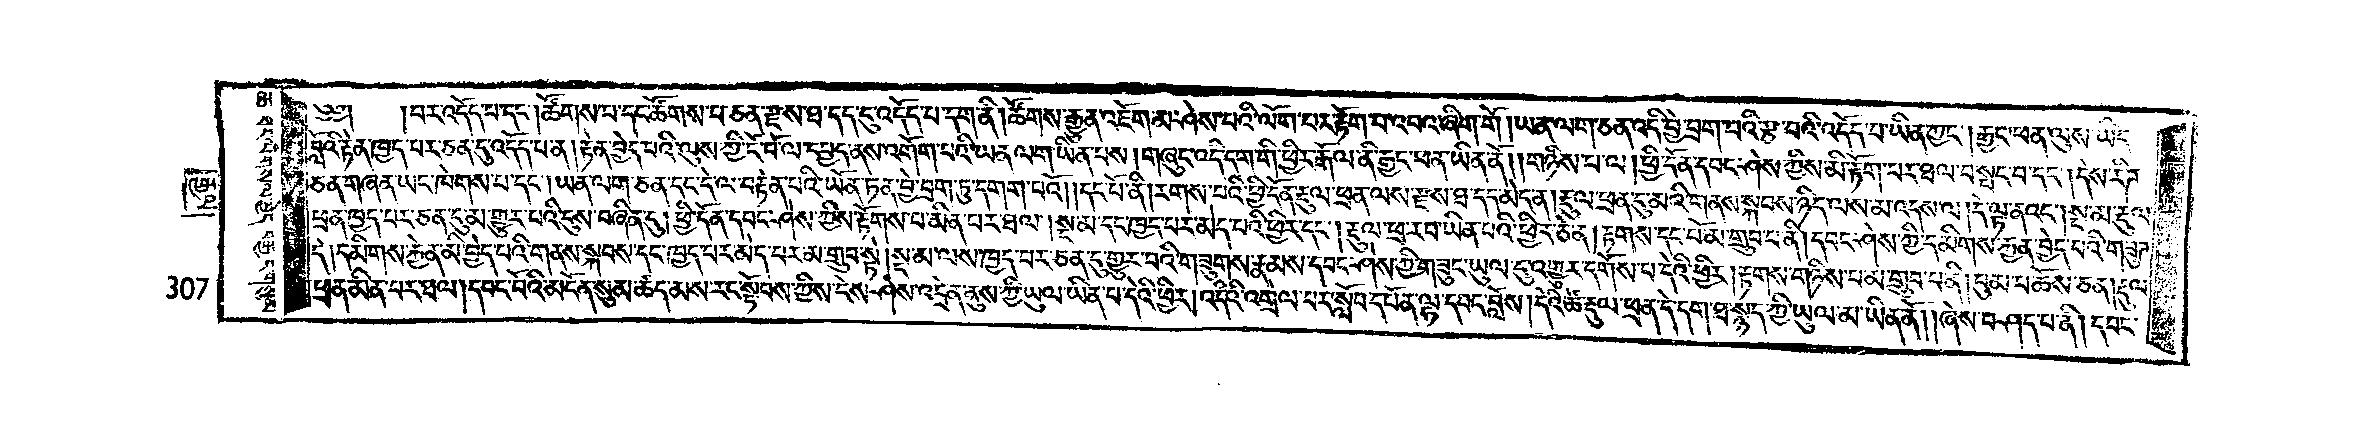༄༅། །པར་འདོད་པ་དང་། ཚོགས་པ་དང་ཚོགས་པ་ཅན་རྫས་ཐ་དད་དུ་འདོད་པ་དག་ནི་།ཚོགས་རྒྱུན་འཇོག་མ་ཤེས་པའི་ལོག་པར་རྟོག་པ་འབའ་ཞིག་གོ །ཡན་ལག་ཅན་འདི་བྱེ་བྲག་པའི་རྩ་བའི་འདོད་པ་ཡིན་ཀྱང་། རྒྱང་ཕན་ལུས་ཡིད་
བློའི་རྟེན་ཁྱད་པར་ཅན་དུ་འདོད་པ་ན་།རྟེན་བྱེད་པའི་ལུས་ཀྱི་ངོ་བོ་ལ་དཔྱད་ནས་འགོག་པའི་ཡན་ལག་ཡིན་པས། གཞུང་འདི་དག་གི་ཕྱིར་རྒོལ་ནི་རྒྱང་ཕན་ཡིན་ནོ། །གཉིས་པ་ལ། ཕྱི་དོན་དབང་ཤེས་ཀྱིས་མི་རྟོག་པར་ཐལ་བ་སྤང་བ་དང་། དེས་རིཌ་
ཅན་གཞན་ཡང་ཁེགས་པ་དང་། ཡན་ལག་ཅན་དང་དེ་ལ་བརྟེན་པའི་ཡོན་ཏན་བྱེ་བྲག་ཏུ་དགག་པའོ། །དང་པོ་ནི། རགས་པའི་ཕྱི་དོན་རྡུལ་ཕྲན་ལས་རྫས་ཐ་དད་མེད་ན། རྡུལ་ཕྲན་དུ་མའི་གནས་སྐབས་ཉིད་ལས་མ་འདས་ལ། དེ་ལྟ་ནའང་། སྔ་མ་རྡུལ་
ཕྲན་ཁྱད་པར་ཅན་དུ་མ་གྱུར་པའི་དུས་བཞིན་དུ། ཕྱི་དོན་དབང་ཤེས་ཀྱིས་རྟོགས་པ་མིན་པར་ཐལ། སྔ་མ་དང་ཁྱད་པར་མེད་པའི་ཕྱིར་དང་། རྡུལ་ཕྲ་རབ་ཡིན་པའི་ཕྱིར་ཅེ་ན། རྟགས་དང་པོ་མ་གྲུབ་པ་ནི། དབང་ཤེས་ཀྱི་དམིགས་རྐྱང་བྱེད་པའི་གཟུཌ་
དེ། དམིགས་རྐྱེན་མི་བྱེད་པའི་གནས་སྐབས་དང་ཁྱད་པར་མེད་པར་མ་གྲུབ་སྟེ། སྔ་མ་ལས་ཁྱད་པར་ཅན་དུ་གྱུར་པའི་གཟུགས་རྣམས་དབང་ཤེས་ཀྱི་གཟུང་ཡུལ་དུ་འགྱུར་དགོས་པ་དེའི་ཕྱིར་།རྟགས་གཉིས་པ་མ་གྲུབ་པ་ནི། བུམ་པ་ཆོས་ཅན། རྡུལ་
ཕྲན་མིན་པར་ཐལ། དབང་པོའི་མངོན་སུམ་ཚད་མས་རང་སྟོབས་ཀྱིས་ངེས་ཤེས་འདྲེན་ནུས་ཀྱི་ཡུལ་ཡིན་པ་དེའི་ཕྱིར། འདིའི་འགྲེལ་པར་སློབ་དཔོན་ལྷ་དབང་བློས། དེའི་ཚེ་རྡུལ་ཕྲན་དེ་དག་ཐ་སྙད་ཀྱི་ཡུལ་མ་ཡིན་ནོ། །ཞེས་བཤད་པ་ནི། དབང་